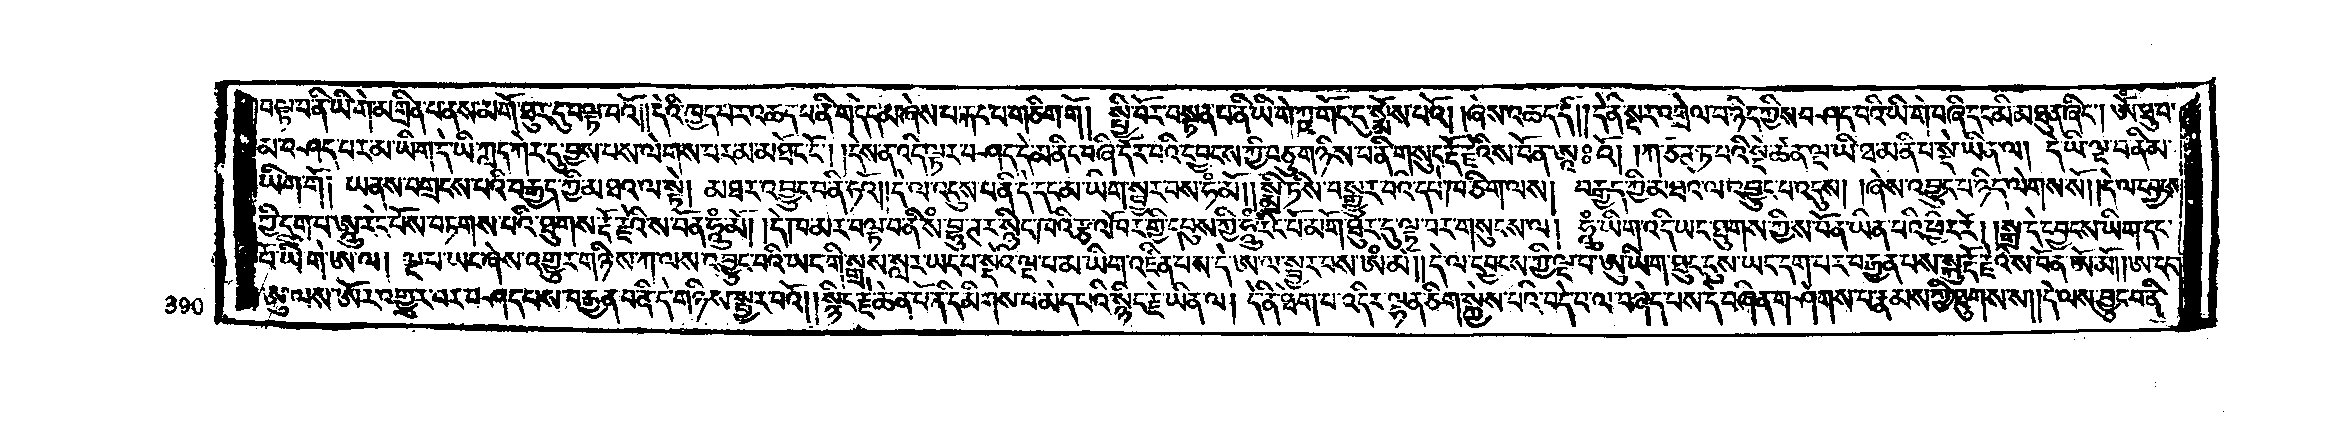བལྟ་བ་ནི་ཡི་གེ་མགྲིན་པ་ནས་མགོ་ཐུར་དུ་བལྟ་བའོ། །དེའི་ཁྱད་པར་འཆད་པ་ནི་གདོད་མ་ཞེས་པ་རྐང་པ་གཅིག་གོ །སྤྱི་བོར་བསྟན་པ་ནི་ཡི་གེ་ཀྵ་གོང་དུ་སྨོས་པའོ། །ཞེས་འཆད་དོ། །དེ་ནི་སྔར་འགྲེལ་པ་ཉིད་ཀྱིས་བཤད་པའི་ཡི་གེ་བཞི་དང་མི་མཐུན་ཞིང་། ཨོ་ཐུབ་
མ་བཤད་པར་མ་ཡིག་དེ་ཡི་ཀླད་ཀོར་དུ་བྱས་པས་ལེགས་པར་མ་མཐོང་ངོ། །དེས་ན་འདི་ལྟར་བཤད་དེ་མ་ནིང་བཞི་དོར་བའི་དབྱངས་ཀྱི་བཅུ་གཉིས་པ་ནི་གསུང་རྡོ་རྗེའི་ས་བོན་ཨཱཿ འོ། །ཀ་ཙ་ཊ་ཏ་པའི་སྡེ་ཚན་ལྔ་ཡི་ཐ་མ་ནི་པ་སྡེ་ཡིན་ལ། དེ་ཡི་ལྔ་པ་ནི་མ་
ཡིག་གོ །ཡ་ནས་བགྲངས་པའི་བརྒྱད་ཀྱི་མཐའ་ལ་སྟེ། མཐར་འབྱུང་བ་ནི་ཧའོ། །དེ་ལ་འདུས་པ་ནི་དེ་དང་མ་ཡིག་སྦྱར་བས་ཧཾ་མོ། །སྨྲི་ཏིས་བསྒྱུར་བའི་དཔེ་ཁ་ཅིག་ལས། བརྒྱད་ཀྱི་མཐའ་ལ་འབྱུང་བ་འདུས། །ཞེས་འབྱུང་བ་ཉིད་ལེགས་སོ། །དེ་ལ་དབྱངས་
ཀྱི་དྲུག་པ་ཨཱུ་རིང་?་པོས་བཏགས་པའི་ཐུགས་རྡོ་རྗེའི་ས་བོན་ཧཱུཾ་མོ། །དེ་ཁ་མར་བལྟ་བ་ནི་སཾ་བྷུ་ཊར་སྙིང་ཁའི་རྩ་འཁོར་གྱི་དབུས་ཀྱི་ཧཱུཾ་རིང་པོ་མགོ་ཐུར་དུ་ལྟ་བར་གསུངས་ལ། ཧཱུཾ་ཡིག་འདི་ཡང་ཐུགས་ཀྱི་ས་བོན་ཡིན་པའི་ཕྱིར་རོ། །སྒྲ་དེ་དབྱངས་ཡིག་དང་
པོ་ཡི་གེ་ཨ་ལ། ལྔ་པ་ཡང་ཞེས་འགྱུར་གཉིས་ཀ་ལས་འབྱུང་བའི་ཡང་གི་སྒྲས་སླར་ཡང་པ་སྡེའི་ལྔ་པ་མ་ཡིག་འཛིན་པས་དེ་ཨ་ལ་སྦྱར་བས་ཨཾ་མོ། །དེ་ལ་དབྱངས་ཀྱི་ལྔ་པ་ཨུ་ཡིག་ཐུང་དུས་ཡང་དག་པར་བརྒྱན་པས་སྐུ་རྡོ་རྗེའི་ས་བོན་ཨོཾ་མོ། །ཨ་དང་
ཨུ་ལས་ཨོར་འགྱུར་བར་བཤད་པས་བརྒྱན་པ་ནི་དེ་གཉིས་སྦྱར་བའོ། །སྙིང་རྗེ་ཆེན་པོ་ནི་དམིགས་པ་མེད་པའི་སྙིང་རྗེ་ཡིན་ལ། དེ་ནི་ཐེག་པ་འདིར་ལྷན་ཅིག་སྐྱེས་པའི་བདེ་བ་ལ་བཞེད་པས་དེ་བཞིན་གཤེགས་པ་རྣམས་ཀྱི་ཐུགས་སོ། །དེ་ལས་བྱུང་བ་ནི་